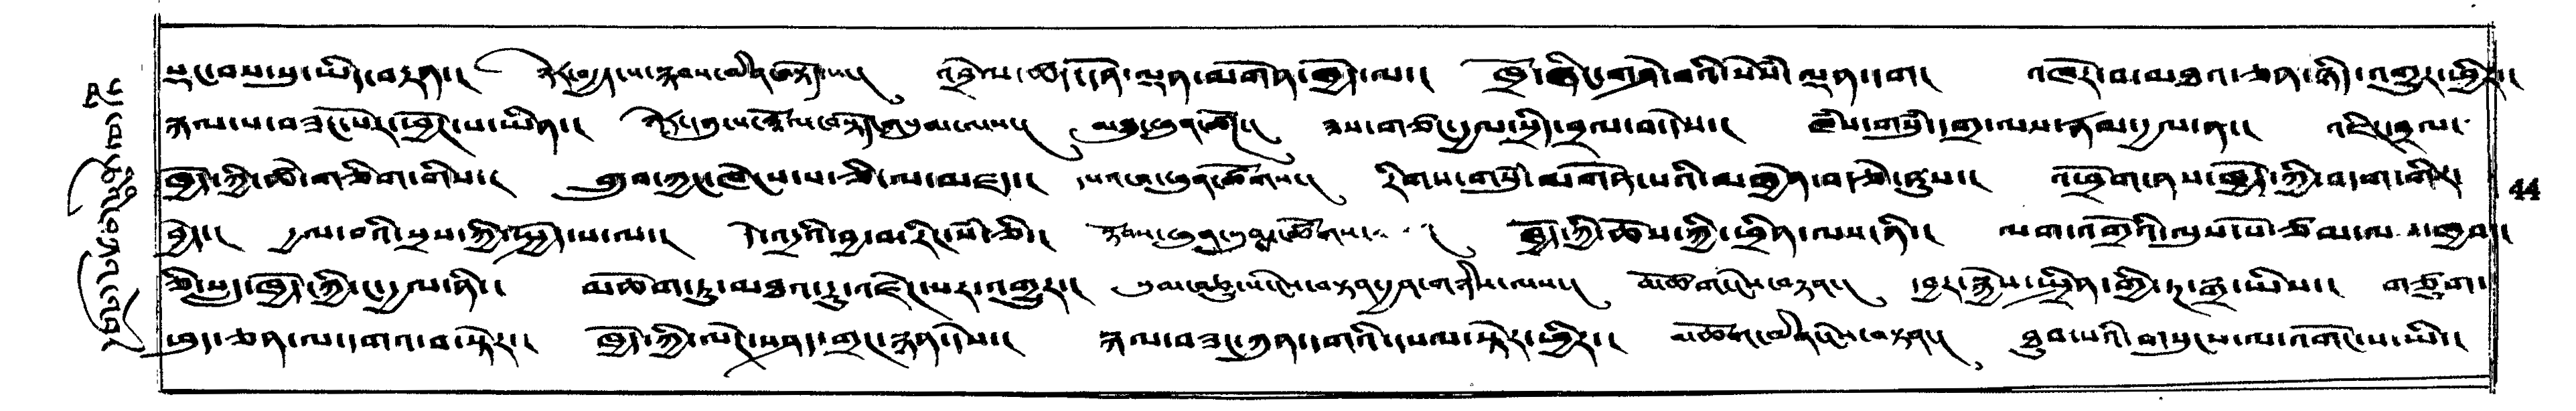སྡང་བས་སུ་ཡིད་རྟོན། ཉེར་བརྒྱད་སྐབས་མིན་བསྟོད་པ། འབྲེལ་ཚད་དོན་ལྡན་མགོན་ཁྱོད་ལ། །ཁྲོ་ཞིང་གཤེ་བའི་སེམས་ལྡན་དག །འཁོར་བ་མཐའ་ཅན་ཉིད་འགྱུར་ཕྱིར། །
བསྐལ་པ་བཟང་པོར་ཕྱོགས་པ་ཡིན། ། ཉེར་དགུ་པ་ཟོལ་བསྟོད་གསུམ་ལས། མཐུ་ཕུན་ཚོགས། ཟས་གཙང་རྒྱལ་སྲིད་བྲལ་བ་དེས། །ཁམས་གསུམ་དགྲ་ལས་རྣམ་རྒྱལ་ན། །འཇིགས་བྲལ་
ཁྱོད་ཀྱི་ཚེ་གཅིག་གིས། །གྲུབ་ཀྱང་ཁེངས་པ་ཅི་ལ་མཛད། ། དཔའ་བ་ཕུན་ཚོགས། རིགས་གསུམ་མགོན་པོའི་མཁྱེན་བརྩེ་ནུས། །འཕྲོགས་ནས་ཁྱོད་ཀྱི་བདག་གིར་
བྱེད། །རྒྱལ་བའི་སྲས་ཀྱི་སྤྱོད་པ་ལ། །དེ་འདྲའི་བྱ་བ་རིགས་སམ་ཅི། ། སྟོབས་ཕུན་སུམ་ཚོགས། ཁྱོད་ཀྱི་ཆོས་ཀྱི་ཕྲིན་ལས་ནི། །ལག་འགྲོའི་ལུས་པོ་ཙམ་ལ་ཁྱབ། །
ཅི་སླད་ཁྱོད་ཀྱི་ང་རྒྱལ་ནི། །མཆོག་གི་མཐའ་རུ་འཛོགས་པར་འགྱུར། ། སུམ་ཅུ་པ་ངེས་བསྟན་རྒྱན་གཉིས་ལས། མཆོག་ངེས་བརྟན། དབྱར་སྐྱེས་སྤྲིན་གྱི་རྔ་སྒྲ་ཡིས། །གཙུག་
ཕུད་ཅན་ལ་དགའ་བ་སྟེར། །ཁྱོད་ཀྱི་ལེགས་བཤད་གྲགས་སྙན་དེས། །སྐལ་བཟང་ཀུན་དགའི་དཔལ་སྟེར་ཕྱིར། ། མཆོག་མིན་ངེས་བསྟན། ཐུབ་པའི་གསུངས་ལ་འགོང་པ་ཡིས།